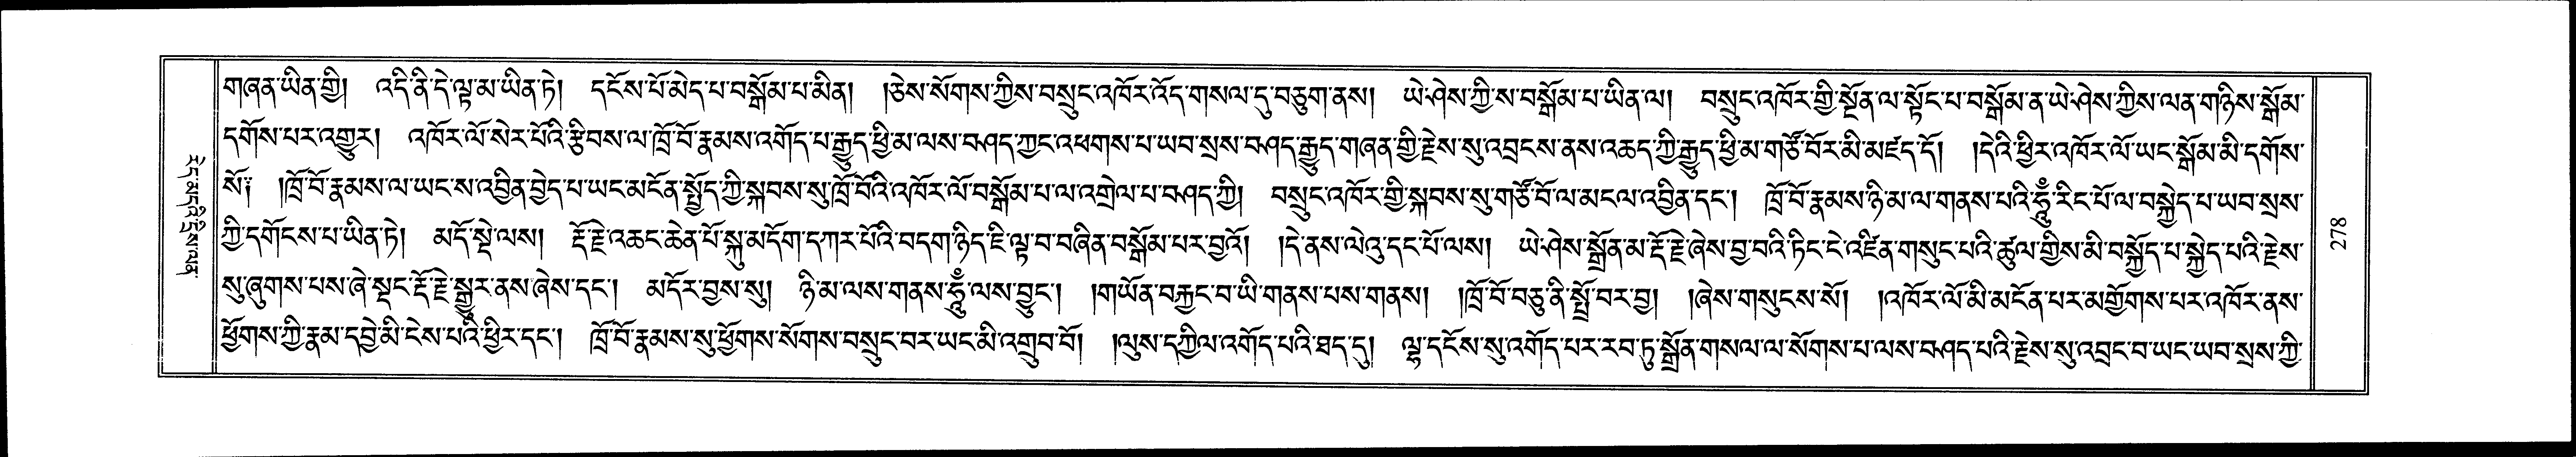གཞན་ཡིན་གྱི། འདི་ནི་དེ་ལྟ་མ་ཡིན་ཏེ། དངོས་པོ་མེད་པ་བསྒོམ་པ་མིན། །ཅེས་སོགས་ཀྱིས་བསྲུང་འཁོར་འོད་གསལ་དུ་བཅུག་ནས། ཡེ་ཤེས་ཀྱི་ས་བསྒོམ་པ་ཡིན་ལ། བསྲུང་འཁོར་གྱི་སྔོན་ལ་སྟོང་པ་བསྒོམ་ན་ཡེ་ཤེས་ཀྱིས་ལན་གཉིས་སྒོམ་
དགོས་པར་འགྱུར། འཁོར་ལོ་སེར་པོའི་རྩིབས་ལ་ཁྲོ་བོ་རྣམས་འགོད་པ་རྒྱུད་ཕྱི་མ་ལས་བཤད་ཀྱང་འཕགས་པ་ཡབ་སྲས་བཤད་རྒྱུད་གཞན་གྱི་རྗེས་སུ་འབྲངས་ནས་འཆད་ཀྱི་རྒྱུད་ཕྱི་མ་གཙོ་བོར་མི་མཛད་དོ། །དེའི་ཕྱིར་འཁོར་ལོ་ཡང་སྒོམ་མི་དགོས་
སོ། །ཁྲོ་བོ་རྣམས་ལ་ཡང་ས་འབྱིན་བྱེད་པ་ཡང་མངོན་སྤྱོད་ཀྱི་སྐབས་སུ་ཁྲོ་བོའི་འཁོར་ལོ་བསྒོམ་པ་ལ་འགྲེལ་པ་བཤད་ཀྱི། བསྲུང་འཁོར་གྱི་སྐབས་སུ་གཙོ་བོ་ལ་མངལ་འབྱིན་དང་། ཁྲོ་བོ་རྣམས་ཉི་མ་ལ་གནས་པའི་ཧཱུཾ་རིང་པོ་ལ་བསྐྱེད་པ་ཡབ་སྲས་
ཀྱི་དགོངས་པ་ཡིན་ཏེ། མདོ་སྡེ་ལས། རྡོ་རྗེ་འཆང་ཆེན་པོ་སྐུ་མདོག་དཀར་པོའི་བདག་ཉིད་ཇི་ལྟ་བ་བཞིན་བསྒོམ་པར་བྱའོ། །དེ་ནས་ལེའུ་དང་པོ་ལས། ཡེ་ཤེས་སྒྲོན་མ་རྡོ་རྗེ་ཞེས་བྱ་བའི་ཏིང་ངེ་འཛིན་གསུང་པའི་ཚུལ་གྱིས་མི་བསྐྱོད་པ་སྐྱེད་པའི་རྗེས་
སུ་ཞུགས་པས་ཞེ་སྡང་རྡོ་རྗེ་སྒྱུར་ནས་ཞེས་དང་། མདོར་བྱས་སུ། ཉི་མ་ལས་གནས་ཧཱུཾ་ལས་བྱུང་། །གཡོན་བརྐྱང་བ་ཡི་གནས་པས་གནས། །ཁྲོ་བོ་བཅུ་ནི་སྤྲོ་བར་བྱ། །ཞེས་གསུངས་སོ། །འཁོར་ལོ་མི་མངོན་པར་མགྱོགས་པར་འཁོར་ནས་
ཕྱོགས་ཀྱི་རྣམ་དབྱེ་མི་ངེས་པའི་ཕྱིར་དང་། ཁྲོ་བོ་རྣམས་སུ་ཕྱོགས་སོགས་བསྲུང་བར་ཡང་མི་འགྲུབ་བོ། །ལུས་དཀྱིལ་འགོད་པའི་ཐད་དུ། ལྷ་དངོས་སུ་འགོད་པར་རབ་ཏུ་སྒྲོན་གསལ་ལ་སོགས་པ་ལས་བཤད་པའི་རྗེས་སུ་འབྲང་བ་ཡང་ཡབ་སྲས་ཀྱི་